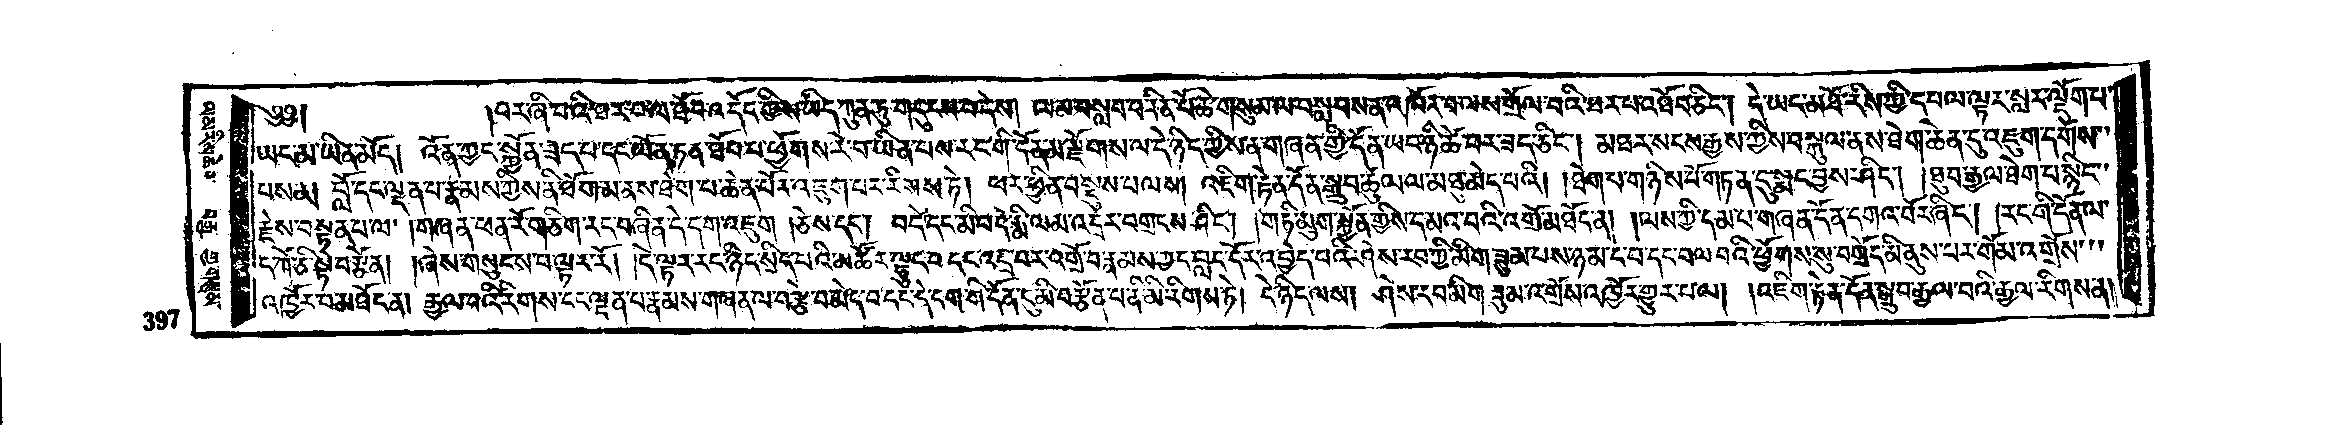༄༅། །བར་ཞི་བའི་ཐར་པ་ལ་ཐོབ་འདོད་ཀྱིས་ཡིད་ཀུན་ཏུ་གདུངས་པ་དེས། ལམ་བསླབ་པ་རིན་པོ་ཆེ་གསུམ་ལ་བསླབས་ན་འཁོར་བ་ལས་གྲོལ་བའི་ཐར་པ་འཐོབ་ཅིང་། དེ་ཡང་མཐོ་རིས་ཀྱི་དཔལ་ལྟར་སླར་ལྡོག་པ་
ཡང་མ་ཡིན་མོད། འོན་ཀྱང་སྐྱོན་ཟད་པ་དང་ཡོན་ཏན་ཐོབ་པ་ཕྱོགས་རེ་བ་ཡིན་པས་རང་གི་དོན་མ་རྫོགས་ལ་དེ་ཉིད་ཀྱིས་ན་གཞན་གྱི་དོན་ཡང་ཉི་ཚེ་བར་ཟད་ཅིང་། མཐར་སངས་རྒྱས་ཀྱིས་བསྐུལ་ནས་ཐེག་ཆེན་དུ་འཇུག་དགོས་
པས་ན། བློ་དང་ལྡན་པ་རྣམས་ཀྱིས་ནི་ཐོག་མ་ནས་ཐེག་པ་ཆེན་པོར་འཇུག་པར་རིགས་ཏེ། ཕར་ཕྱིན་བསྡུས་པ་ལས། འཇིག་རྟེན་དོན་སྒྲུབ་ཚུལ་ལ་མཐུ་མེད་པའི། །ཐེག་པ་གཉིས་པོ་གཏན་དུ་སྤང་བྱས་ཤིང་། །ཐུབ་རྒྱལ་ཐེག་པ་སྙིང་
རྗེས་བསྟན་པ་ལ། །གཞན་ཕན་རོ་གཅིག་རང་བཞིན་དེ་དག་འཇུག །ཅེས་དང་། བདེ་དང་མི་བདེ་རྨི་ལམ་འདྲར་བགྲངས་ཤིང་། །གཏི་མུག་སྐྱོན་གྱིས་དམའ་བའི་འགྲོ་མཐོང་ན། །ལས་ཀྱི་དམ་པ་གཞན་དོན་དགའ་བོར་ཞིང་། །རང་གི་དོན་ལ་
དེ་ཀོ་ཅི་སྟེ་བརྩོན། །ཞེས་གསུངས་པ་ལྟར་རོ། །དེ་ལྟར་རང་ཉིད་སྲིད་པའི་མཚོར་ལྷུང་བ་དང་འདྲ་བར་འགྲོ་བ་རྣམས་ཀྱང་བླང་དོར་འབྱེད་པའི་ཤེས་རབ་ཀྱི་མིག་ཟུམ་པས་ཉམ་ང་བ་དང་བྲལ་བའི་ཕྱོགས་སུ་བགྲོད་མི་ནུས་པར་གོམ་འགྲོས་
འཁྱོར་བ་མཐོང་ན། རྒྱལ་བའི་རིགས་དང་ལྡན་པ་རྣམས་གཞན་ལ་བརྩེ་བ་མེད་པ་དང་དེ་དག་གི་དོན་དུ་མི་བརྩོན་པ་ནི་མི་རིགས་ཏེ། དེ་ཉིད་ལས། ཤེས་རབ་མིག་ཟུམ་འགྲོས་འཁྱོར་གྱུར་པ་ལ། །འཇིག་རྟེན་དོན་སྒྲུབ་རྒྱལ་བའི་རྒྱལ་རིགས་ན། །